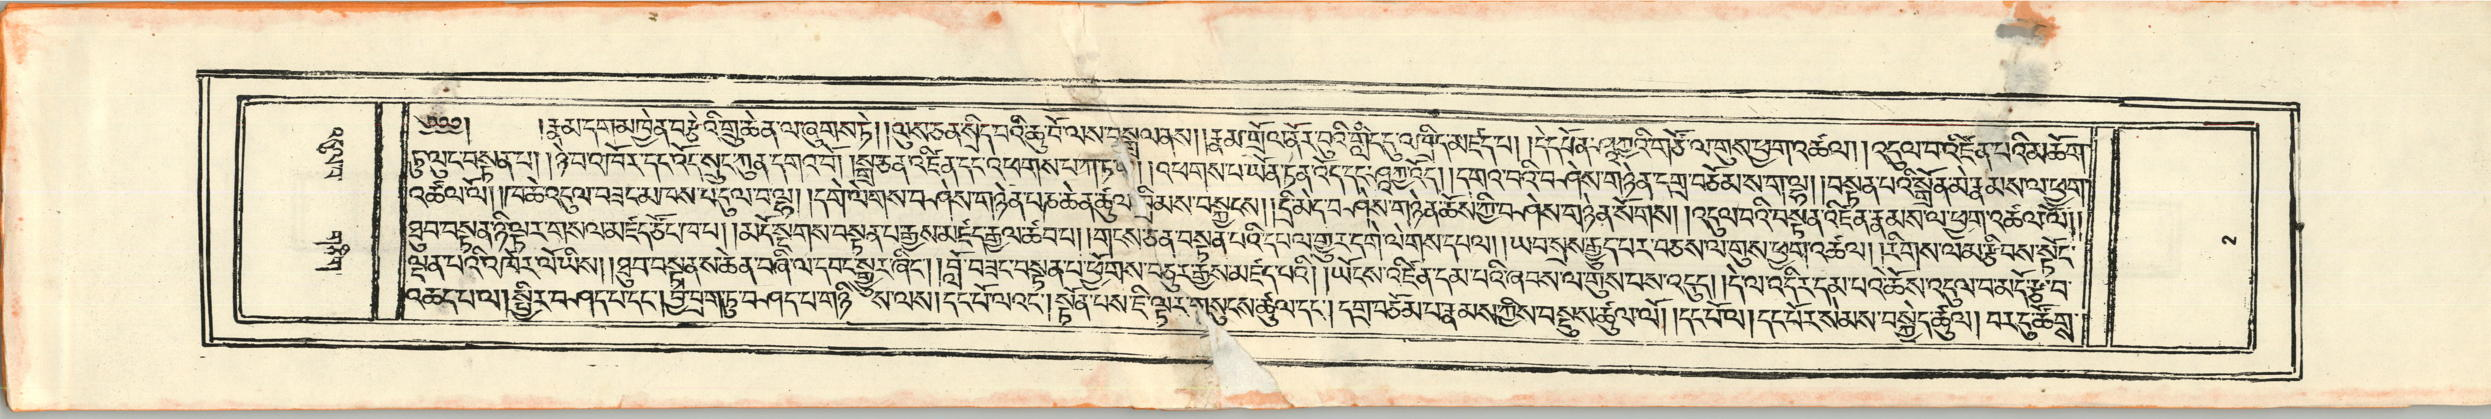༄༅༅། །རྣམ་དག་མཁྱེན་བརྩེའི་གྲུ་ཆེན་ལ་ཞུགས་ཏེ། །ལུས་ཅན་སྲིད་པའི་ཆུ་བོ་ལས་བསྒྲལ་ནས། །རྣམ་གྲོལ་ནོར་བུའི་གླིང་དུ་འཁྲིད་མཛད་པ། །དེ་དཔོན་ཤཱཀྱའི་གཙོ་ལ་གུས་ཕྱག་འཚལ། །འདུལ་བ་འཛིན་པའི་མཆོག་
ཏུ་ལུང་བསྟན་པ། །ཉེ་བ་འཁོར་དང་འོད་སྲུང་ཀུན་དགའ་བོ། །སྒྲ་ཅན་འཛིན་དང་འཕགས་པ་ཀ་ཏ་ཡ། །འཕགས་པ་ཡོན་ཏན་འོད་དང་ཤཱཀྱ་འོད། །དགའ་བའི་བཤེས་གཉེན་དགྲ་བཅོམ་ས་ག་ལྷ། །བསྟན་པའི་སྒྲོན་མེ་རྣམས་ལ་ཕྱག་
འཚལ་ལོ། །ཁ་ཆེ་འདུལ་བཟང་མཁས་པ་དུལ་བ་ལྷ། །དགེ་ལེགས་བཤེས་གཉེན་པཎ་ཆེན་ཚུལ་ཁྲིམས་བསྐྱངས། །དྲི་མེད་བཤེས་གཉེན་ཆོས་ཀྱི་བཤེས་གཉེན་སོགས། །འདུལ་བའི་བསྟན་འཛིན་རྣམས་ལ་ཕྱག་འཚལ་ལོ། །
ཐུབ་བསྟན་ཉི་ལྟར་གསལ་མཛད་ཙོང་ཁ་པ། །མདོ་སྔགས་བསྟན་པ་རྒྱས་མཛད་རྒྱལ་ཚབ་པ། །གངས་ཅན་བསྟན་པའི་དཔལ་གྱུར་དགེ་ལེགས་དཔལ། །ཡབ་སྲས་རྒྱུད་པར་བཅས་ལ་གུས་ཕྱག་འཚལ། །རིགས་ལམ་རྩིབས་སྟོང་
ལྡན་པའི་འཁོར་ལོ་ཡིས། །ཐུབ་བསྟན་ས་ཆེན་བཞི་ལ་དབང་སྒྱུར་ཞིང་། །བློ་བཟང་བསྟན་པ་ཕྱོགས་བཅུར་རྒྱས་མཛད་པའི། །ཡོངས་འཛིན་དམ་པའི་ཞབས་ལ་གུས་པས་འདུད། །དེ་ལ་འདིར་དམ་པའི་ཆོས་འདུལ་བ་མདོ་རྩ་བ་
འཆད་པ་ལ། སྤྱིར་བཤད་པ་དང་། བྱེ་བྲག་ཏུ་བཤད་པ་གཉིས་ལས། དང་པོ་ལའང་། སྟོན་པས་ཇི་ལྟར་གསུངས་ཚུལ་དང་། དགྲ་བཅོམ་པ་རྣམས་ཀྱིས་བསྡུས་ཚུལ་ལོ། །དང་པོ་ལ། དང་པོར་སེམས་བསྐྱེད་ཚུལ། བར་དུ་ཚོགས་